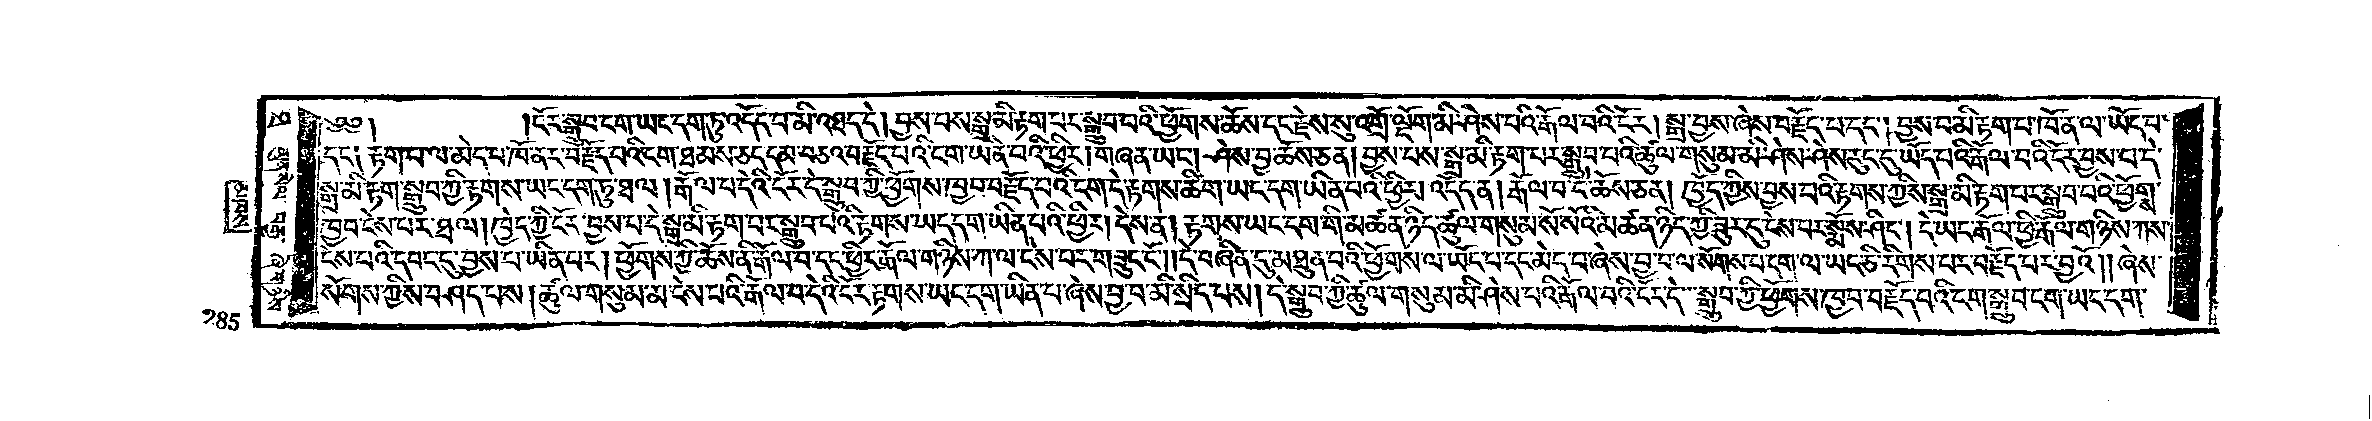༄༅། །ངོར་སྒྲུབ་ངག་ཡང་དག་ཏུ་འདོད་པ་མི་འཐད་དེ། བྱས་པས་སྒྲ་མི་རྟག་པར་སྒྲུབ་པའི་ཕྱོགས་ཆོས་དང་རྗེས་སུ་འགྲོ་ལྡོག་མི་ཤེས་པའི་རྒོལ་བའི་ངོར། སྒྲ་བྱས་ཞེས་བརྗོད་པ་དང་། བྱས་པ་མི་རྟག་པ་ཁོ་ན་ལ་ཡོད་པ་
དང་། རྟག་པ་ལ་མེད་པ་ཁོ་ནར་བརྗོད་པའི་ངག་ཐམས་ཅད་དམ་བཅའ་བརྗོད་པའི་ངག་ཡིན་པའི་ཕྱིར། གཞན་ཡང་། ཤེས་བྱ་ཆོས་ཅན། བྱས་པས་སྒྲ་མི་རྟག་པར་སྒྲུབ་པའི་ཚུལ་གསུམ་མི་ཤེས་ཤེས་རུང་དུ་ཡོད་པའི་རྒོལ་བའི་ངོར་བྱས་པ་དེ་
སྒྲ་མི་རྟག་སྒྲུབ་ཀྱི་རྟགས་ཡང་དག་ཏུ་ཐལ། རྒོལ་པ་དེའི་ངོར་དེ་སྒྲུབ་ཀྱི་ཕྱོགས་ཁྱབ་བརྗོད་པའི་ངག་དེ་རྟགས་ཚིག་ཡང་དག་ཡིན་པའི་ཕྱིར། འདོད་ན། རྒོལ་བ་དེ་ཆོས་ཅན། ཁྱོད་ཀྱིས་བྱས་པའི་རྟགས་ཀྱིས་སྒྲ་མི་རྟག་པར་སྒྲུབ་པའི་ཕྱོགས་
ཁྱབ་ངེས་པར་ཐལ། ཁྱེད་ཀྱི་ངོར་བྱས་པ་དེ་སྒྲ་མི་རྟག་པར་སྒྲུབ་པའི་རྟགས་ཡང་དག་ཡིན་པའི་ཕྱིར། དེས་ན། རྟགས་ཡང་དག་གི་མཚན་ཉིད་ཚུལ་གསུམ་སོ་སོའི་མཚན་ཉིད་ཀྱི་ཟུར་དུ་ངེས་པར་སྨོས་ཤིང་། དེ་ཡང་རྒོལ་ཕྱི་རྒོལ་གཉིས་ཀས་
ངེས་པའི་དབང་དུ་བྱས་པ་ཡིན་པར། ཕྱོགས་ཀྱི་ཆོས་ནི་རྒོལ་བ་དང་ཕྱིར་རྒོལ་གཉིས་ཀ་ལ་ངེས་པར་གཟུང་ངོ། །དེ་བཞིན་དུ་མཐུན་པའི་ཕྱོགས་ལ་ཡོད་པ་དང་མེད་པ་ཞེས་བྱ་བ་ལ་སོགས་པ་དག་ལ་ཡང་ཅི་རིགས་པར་བརྗོད་པར་བྱའོ། །ཞེས་
སོགས་ཀྱིས་བཤད་པས། ཚུལ་གསུམ་མ་ངེས་པའི་རྒོལ་བ་དེའི་ངོར་རྟགས་ཡང་དག་ཡིན་པ་ཞེས་བྱ་བ་མི་སྲིད་པས། དེ་སྒྲུབ་ཀྱི་ཚུལ་གསུམ་མི་ཤེས་པའི་རྒོལ་བའི་ངོར་དེ་སྒྲུབ་ཀྱི་ཕྱོགས་ཁྱབ་བརྗོད་པའི་ངག་སྒྲུབ་ངག་ཡང་དག་